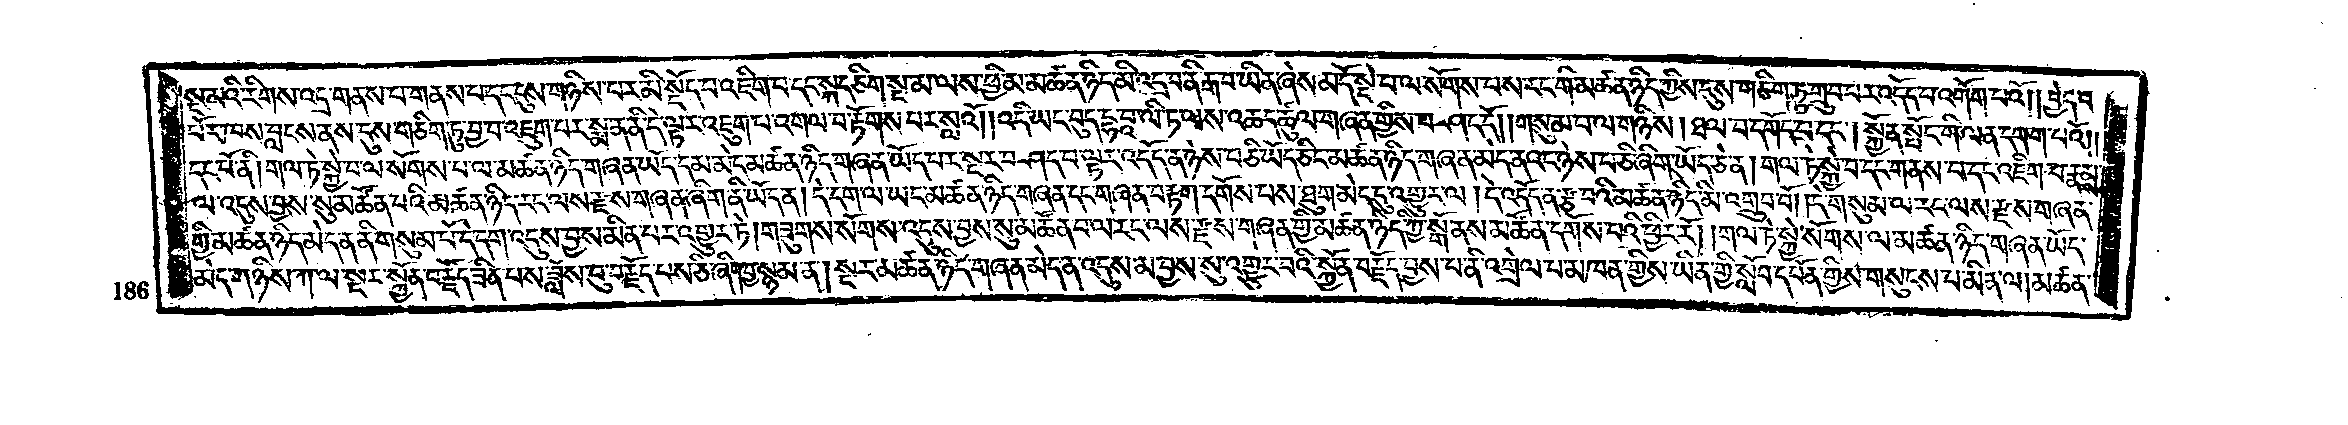སྔ་མའི་རིགས་འདྲ་གནས་པ་གནས་པ་དང་དུས་གཉིས་པར་མི་སྡོད་པ་འཇིག་པ་དང་སྐད་ཅིག་སྔ་མ་ལས་ཕྱི་མ་མཚན་ཉིད་མི་འདྲ་བ་ནི་རྒ་བ་ཡིན་ཞེས་མདོ་སྡེ་པ་ལ་སོགས་པས་རང་གི་མཚན་ཉིད་ཀྱིས་དུས་གཅིག་ཏུ་གྲུབ་པར་འདོད་པ་འགོག་པའོ། །བྱེད་པ་
པོར་ཁས་བླངས་ནས་དུས་གཅིག་ཏུ་བྱ་བ་འཇུག་པར་སྨན་ནི་དེ་ལྟར་འཇུག་པ་འགལ་པ་རྟོགས་པར་སླའོ། །འདི་ཡང་བུདྡྷ་བཱ་ལ་ཏེ་ལས་འཆད་ཚུལ་གཞན་གྱིས་བཤད་དོ། །གསུམ་པ་ལ་གཉིས། ཐལ་བ་དགོད་པ་དང་། སྐྱོན་སྤོང་གི་ལན་དགག་པའོ། །
དང་པོ་ནི། གལ་ཏེ་སྐྱེ་བ་ལ་སོགས་པ་ལ་མཚན་ཉིད་གཞན་ཡོད་དམ་མེད་མཚན་ཉིད་གཞན་ཡོད་པར་སྔར་བཤད་པ་ལྟར་འདོད་ན་ཉེས་བཅི་ཡོད་ཅིང་མཚན་ཉིད་གཞན་མེད་ནའང་ཉེས་བ་ཅི་ཞིག་ཡོད་ཅེ་ན། གལ་ཏེ་སྐྱེ་བ་དང་གནས་པ་དང་འཇིགས་རྣམས་
ལ་འདུས་བྱས་སུ་མཚོན་པའི་མཚན་ཉིད་རང་ལས་རྫས་གཞན་ཞིག་ནི་ཡོད་ན། དེ་དག་ལ་ཡང་མཚན་ཉིད་གཞན་དང་གཞན་བརྟག་དགོས་པས་ཐུག་མེད་དུ་འགྱུར་ལ། དེ་འདོད་ན་རྩ་བའི་མཚན་ཉིད་མི་འགྲུབ་པོ། །དེ་གསུམ་ལ་རང་ལས་རྫས་གཞན་
གྱི་མཚན་ཉིད་མེད་ན་ནི་གསུམ་པོ་དེ་དག་འདུས་བྱས་མིན་པར་འགྱུར་ཏེ། གཟུགས་སོགས་འདུས་བྱས་སུ་མཚོན་པ་ལ་རང་ལས་རྫས་གཞན་གྱི་མཚན་ཉིད་ཀྱི་སྒོ་ནས་མཚོན་དགོས་པའི་ཕྱིར་རོ། །གལ་ཏེ་སྐྱེ་སོགས་ལ་མཚན་ཉིད་གཞན་ཡོད་
མེད་གཉིས་ཀ་ལ་སྔར་སྐྱོན་བརྗོད་ཟིན་པས་ཟློས་བུ་བརྗོད་པས་ཅི་ཞིག་བྱ་སྙམ་ན། སྔར་མཚན་ཉིད་གཞན་མེད་ན་འདུས་མ་བྱས་སུ་འབྱུར་པའི་སྐྱོན་བརྗོད་བྱས་པ་ནི་འགྲེལ་པ་མཁན་གྱིས་ཡིན་གྱི་སློབ་དཔོན་གྱིས་གསུངས་པ་མིན་ལ། མཚན་